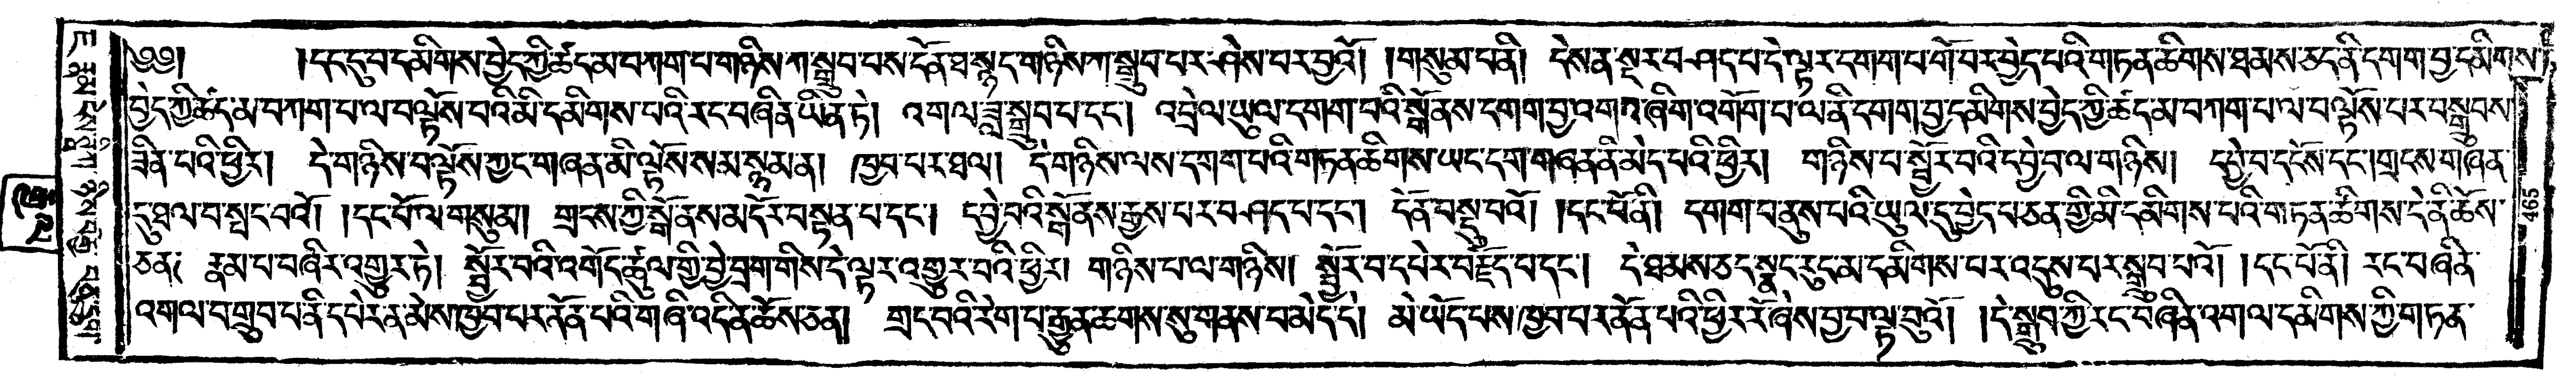༄༅། །དང་དུ་བ་དམིགས་བྱེད་ཀྱི་ཚད་མ་བཀག་པ་གཉིས་ཀ་སྒྲུབ་པས་དོན་ཐ་སྙད་གཉིས་ཀ་སྒྲུབ་པར་ཤེས་པར་བྱའོ། །གསུམ་པ་ནི། དེས་ན་སྔར་བཤད་པ་དེ་ལྟར་དགག་པ་གོ་བར་བྱེད་པའི་གཏན་ཚིགས་ཐམས་ཅད་ནི་དགག་བྱ་དམིགས་
བྱེད་ཀྱི་ཚད་མ་བཀག་པ་ལ་བལྟོས་པའི་མི་དམིགས་པའི་རང་བཞིན་ཡིན་ཏེ། འགལ་ཟླ་སྒྲུབ་པ་དང་། འབྲེལ་ཡུལ་དགག་པའི་སྒོ་ནས་དགག་བྱ་འགའ་ཞིག་འགོག་པ་ལ་ནི་དགག་བྱ་དམིགས་བྱེད་ཀྱི་ཚད་མ་བཀག་པ་ལ་བལྟོས་པར་བསྒྲུབས་
ཟིན་པའི་ཕྱིར། དེ་གཉིས་བལྟོས་ཀྱང་གཞན་མི་ལྟོས་སམ་སྙམ་ན། ཁྱབ་པར་ཐལ། དེ་གཉིས་ལས་དགག་པའི་གཏན་ཚིགས་ཡང་དག་གཞན་ནི་མེད་པའི་ཕྱིར། གཉིས་པ་སྦྱོར་བའི་དབྱེ་བ་ལ་གཉིས། དབྱེ་བ་དངོས་དང་། གྲངས་གཞན་
དུ་ཐལ་བ་སྤང་བའོ། །དང་པོ་ལ་གསུམ། གྲངས་ཀྱི་སྒོ་ནས་མདོར་བསྟན་པ་དང་། དབྱེ་བའི་སྒོ་ནས་རྒྱས་པར་བཤད་པ་དང་། དོན་བསྡུ་བའོ། །དང་པོ་ནི། དགག་པ་ནུས་པའི་ཡུལ་དུ་བྱེད་པ་ཅན་གྱི་མི་དམིགས་པའི་གཏན་ཚིགས་དེ་ནི་ཆོས་
ཅན། རྣམ་པ་བཞིར་འགྱུར་ཏེ། སྦྱོར་བའི་འགོད་ཚུལ་གྱི་བྱེ་བྲག་གིས་དེ་ལྟར་འགྱུར་བའི་ཕྱིར། གཉིས་པ་ལ་གཉིས། སྦྱོར་བ་དཔེར་བརྗོད་པ་དང་། དེ་ཐམས་ཅད་སྣང་རུང་མ་དམིགས་པར་འདུས་པར་སྒྲུབ་པའོ། །དང་པོ་ནི། རང་བཞིན་
འགལ་བ་གྲུབ་པ་ནི་དཔེར་ན་མེས་ཁྱབ་པར་ནོན་པའི་གཞི་འདི་ན་ཆོས་ཅན། གྲང་བའི་རེག་པ་རྒྱུན་ཆགས་སུ་གནས་པ་མེད་དེ། མེ་ཡོད་པས་ཁྱབ་པར་ནོན་པའི་ཕྱིར་རོ་ཞེས་བྱ་བ་ལྟ་བུའོ། །དེ་སྒྲུབ་ཀྱི་རང་བཞིན་འགལ་དམིགས་ཀྱི་གཏན་